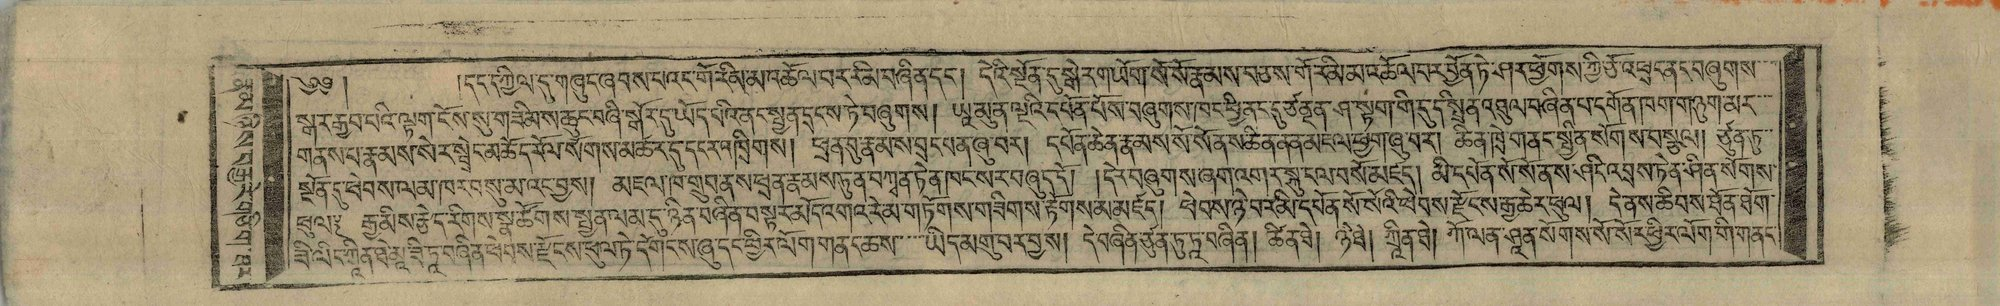༄༅། །དང་དཀྱིལ་དུ་གཞུང་ཞབས་པའང་གོ་རིམ་མ་འཆོལ་བར་རིམ་བཞིན་དང་། དེའི་སྔོན་དུ་སྒེར་གཡོག་སོ་སོ་རྣམས་བཅས་གོ་རིམ་མ་འཆོལ་བར་བྱོན་ཏེ་ཤར་ཕྱོགས་ཀྱི་ཅོ་འཕྲང་ནང་བཞུགས་
སྒར་རྒྱབ་པའི་ལྟག་ངོས་སུ་གཟིམས་ཆུང་བཞི་སྒོར་དུ་ཡོད་པའི་ནང་སྤྱན་དྲངས་ཏེ་བཞུགས། ཡཱ་མུན་ལྔའི་དཔོན་པོས་བཞུགས་ཁང་ཕྱི་ནང་དུ་ཙནྡན་ཤ་སྟག་གི་དུད་སྤྲིན་འཐུལ་བཞིན་པ་དགོན་ཁག་གཉུག་མར་
གནས་པ་རྣམས་སེར་སྦྲེང་མཆོད་རོལ་སོགས་མཚར་དུ་དང་ར་འཁྲིགས། ཕྲན་བུ་རྣམས་བྲང་པན་ཞུ་བར། དཔོན་ཆེན་རྣམས་སོ་སོ་ནས་ཆིན་ནན་མཇལ་ཕྱག་ཞུ་བར། ཆིན་ཁྲེ་གནང་སྦྱིན་སོགས་བསྩལ། ཙུན་ཏུ་
སྔོན་དུ་ཕེབས་ལམ་ཁར་བསུ་མ་འང་བྱས། མཇལ་ཁ་གྲུབ་ནས་ཕྲན་རྣམས་ཏུ་ན་བཀྭན་ཏེན་ཁང་སར་བཞུད་དོ། །དེར་བཞུགས་ཞག་འགར་སྐུ་ངལ་བསོ་མཛད། མི་དཔོན་སོ་སོ་ནས་ཤིང་འབྲས་ཏེན་ཤིན་སོགས་
ཕུལ༑ རྒྱ་མིས་རྩེད་རིགས་སྣ་ཚོགས་སྤྱན་ལམ་དུ་ཉིན་བཞིན་བསྟར་མོད་འགའ་རེ་མ་གཏོགས་གཟིགས་རྟོགས་མ་མཛད། ཕེབས་ཉེ་བར་མི་དཔོན་སོ་སོའི་ཕེབས་རྫོངས་རྒྱ་ཆེར་ཕུལ། དེ་ནས་ཆིབས་ཐོན་ཐོག་
ཟི་ལིང་ཀྲཱིན་ཐེ་མཱ་ཟི་ཏཱ་བཞིན་ཕེབས་རྫོངས་ཕུལ་ཏེ་དགོངས་ཞུ་དང་ཕྱིར་ལོག་གནང་ཆས་ཡིད་མགུ་བར་བྱས། དེ་བཞིན་ཙུན་ཏུ་ཏཱ་བཞིན། ཚིན་ཐེ། ཉེ་ཐེ། ཀྲཱིན་ཐེ། ཀོ་ལན་ཤཱན་སོགས་སོ་སོར་ཕྱིར་ལོག་གི་གནང་